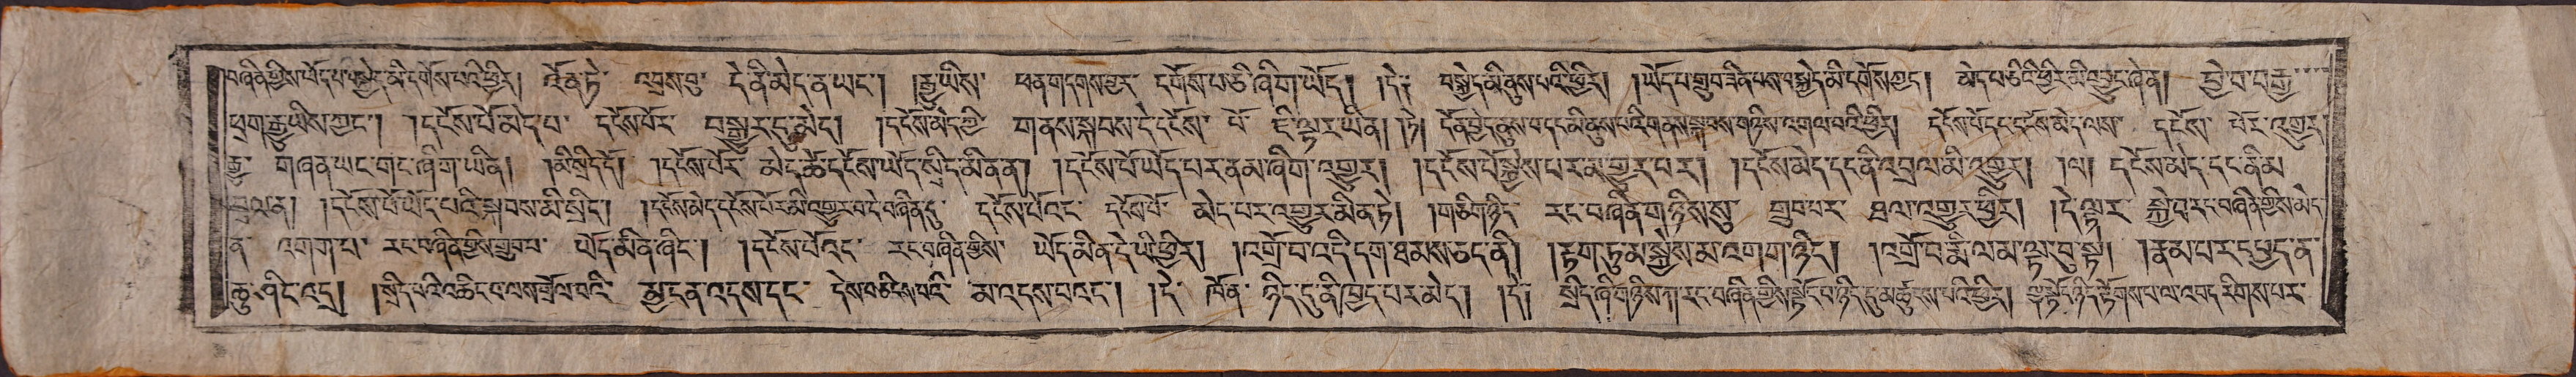དཔྱིས་མེད་པ??་དགོས་པའི་ཕྱིར། འོན་ཏེ་འབྲས་བུ་དེ་ནི་མེད་ན་ཡང་། །རྒྱུ་ཡིས་ཕན་གདགས་བྱར་དགོས་པ་ཅི་ཞིག་ཡོད། །དེ༑ བསྐྱེད་མི་ནུས་པའི་ཕྱིར། །ཡོད་པ་གྲུབ་ཟིན་པས་བསྐྱེད་མི་དགོས་ཀྱང་། མེད་པ་ཅིའི་ཕྱིར་མི་འབྱུང་ཞེ་ན།  བྱེ་བ་བརྒྱ་
གཡོས་ཀྱང?། །དངོས་པོ་མེད་པ་དངོས་པོར་བསྒྱུར་དུ་མེད། །དངོས་མེད་ཀྱི་གནས་སྐབས་དེ་དངོས་པོ་ཇི་ལྟར་ཡིན། །ཏེ། དོན་བྱེད་ནུས་བ་དང་མི་ནུས་པའི་གནས་སྐབས་གཉིས་འགལ་བའི་ཕྱིར། དངོས་པོ་དང་དངོས་མེད་ལས།  དངོས་པོར་འགྱུར་
གཞན་པར་གང་ཞིག་ཡིན། །མི་སྲིད་དོ། །དངོས་པོར་མེད་ཚེ་དངོས་ཡོད་སྲིད་མིན་ན། །དངོས་པོ་ཡོད་པར་ནམ་ཞིག་འགྱུར། །དངོས་པོ་སྐྱེས་པར་མ་གྱུར་པར། །དངོས་མེད་དང་ནི་འབྲལ་མི་འགྱུར། །ལ།  དངོས་མེད་དང་ནི་མ་
ལ་ན། །དངོས་པོ་ཡོད་པའི་སྐབས་མི་སྲིད། །དངོས་མེད་དངོས་པོར་མི་འགྱུར་བདེ་བཞིན་དུ་དངོས་པོའང་དངོས་པོ་མེད་པར་འགྱུར་མིན་ཏེ། །གཅིག་ཉིད་རང་བཞིན་གཉིས་སུ་གྲུབ་བར་ཐལ་འགྱུར་ཕྱིར། །དེ་ལྟར་སྐྱེ་བ་རང་བཞིན་གྱིས་མེད་
ན་འགག་པ་རང་བཞིན་གྱིས་གྲུབ་པ་ཡོད་མིན་ཞིང་། །དངོས་པོའང་རང་བཞིན་གྱིས་ཡོད་མིན་དེ་ཡི་ཕྱིར། །འགྲོ་བ་འདི་དག་ཐམས་ཅད་ནི། །རྟག་ཏུ་མ་སྐྱེས་མ་འགག་ཉིད། འགྲོ་བ་རྨི་ལམ་ལྟ་བུ་སྟེ། །རྣམ་པར་དཔྱད་ན་
ཆུ་ཤིང་འདྲ། །སྲིད་པའི་འཆིང་བ་ལས་གྲོལ་བའི་མྱ་ངན་འདས་དང་དེས་བཅིངས་པའི་མ་འདས་པའང་། །དེ་ཁོ་ན་ཉིད་དུ་ནི་ཁྱད་པར་མེད། །དེ༑ སྲིད་ཞི་གཉིས་ཀ་རང་བཞིན་གྱིས་སྟོང་པ་ཉིད་དུ་མཚུངས་པའི་ཕྱིར། ༈ སྟོང་ཉིད་རྟོགས་པ་ལ་འབད་རིགས་པར་